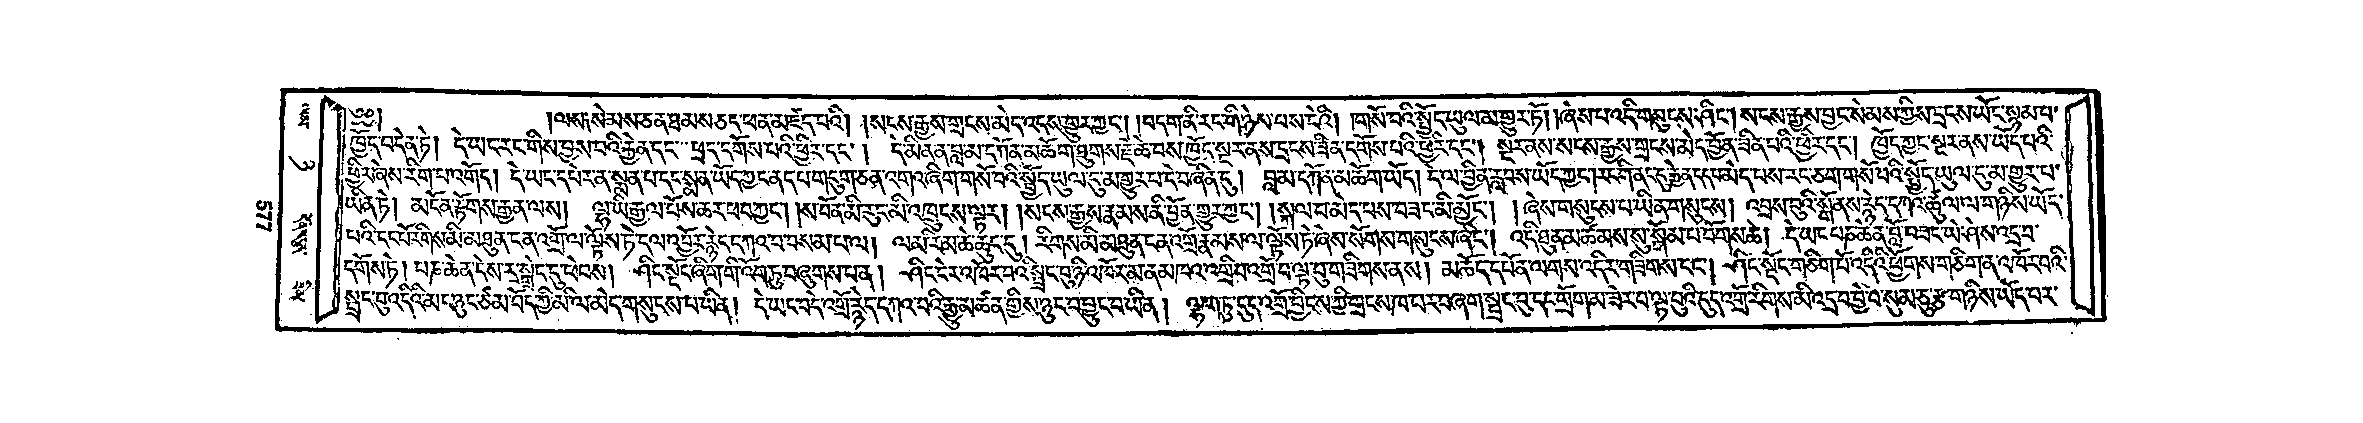༄༅། །ལས། སེམས་ཅན་ཐམས་ཅད་ཕན་མཛད་པའི། །སངས་རྒྱས་གྲངས་མེད་འདས་གྱུར་ཀྱང་། །བདག་ནི་རང་གི་ཉེས་པས་དེའི། །གསོ་བའི་སྤྱོད་ཡུལ་མ་གྱུར་ཏོ། །ཞེས་པ་འདི་གསུངས་ཤིང་། སངས་རྒྱས་བྱང་སེམས་ཀྱིས་དྲངས་ཡོང་སྙམ་པ་
ཁྱོད་བདེན་ཏེ། དེ་ཡང་རང་གིས་བྱས་པའི་རྐྱེན་དང་ཕྲད་དགོས་པའི་ཕྱིར་དང་། དེ་མིན་ན་བླ་མ་དཀོན་མཆོག་ཐུགས་རྗེ་ཆེ་བས་ཁྱོད་སྔར་ནས་དྲངས་ཟིན་དགོས་པའི་ཕྱིར་དང་། སྔར་ནས་སངས་རྒྱས་གྲངས་མེད་བྱོན་ཟིན་པའི་ཕྱིར་དང་། །ཁྱོད་ཀྱང་སྔར་ནས་ཡོད་པའི་
ཕྱིར་ཞེས་རིག་པ་འགོད། དེ་ཡང་དཔེར་ན་སྨན་པ་དང་སྨན་ཡོད་ཀྱང་ནད་པ་གདུག་ཅན་འགའ་ཞིག་གསོ་བའི་སྤྱོད་ཡུལ་དུ་མ་གྱུར་པ་དེ་བཞིན་དུ། བླ་མ་དཀོན་མཆོག་ཡོད། དེ་ལ་བྱིན་རླབས་ཡོད་ཀྱང་། རང་གི་ནང་དུ་རྐྱེན་དད་པ་མེད་པས་རང་ཅག་གསོ་བའི་སྤྱོད་ཡུལ་དུ་མ་གྱུར་པ་
ཡིན་ཏེ། མངོན་རྟོགས་རྒྱན་ལས། ལྷ་ཡི་རྒྱལ་པོས་ཆར་ཕབ་ཀྱང་། །ས་བོན་མི་རུང་མི་འཁྲུངས་ལྟར། །སངས་རྒྱས་རྣམས་ནི་བྱོན་གྱུར་ཀྱང་། །སྐལ་བ་མེད་པས་བཟང་མི་མྱོང་། །ཞེས་གསུངས་པ་ཡིན་གསུངས། འབྲས་བུའི་སྒོ་ནས་རྙེད་དཀའ་ཚུལ་ལ་གཉིས་ཡོད་
པའི་དང་པོ་རིགས་མི་མཐུན་ངན་འགྲོ་ལ་ལྟོས་ཏེ་དལ་འབྱོར་རྙེད་དཀའ་བ་བསམ་པ་ལ། ལམ་རིམ་ཆེ་ཆུང་དུ། རིགས་མི་མཐུན་ངན་འགྲོ་རྣམས་ལ་ལྟོས་ཏེ་ཞེས་སོགས་གསུངས་ཞིང་། འདི་ཐུན་མཚམས་སུ་སྒོམ་པ་བོགས་ཆེ། དེ་ཡང་པཎ་ཆེན་བློ་བཟང་ཡེ་ཤེས་འདྲ་བ་
དགོས་ཏེ། པཎ་ཆེན་དེས་རྭ་སྒྲེང་དུ་ཕེབས། ཤིང་སྡོང་ཞིག་གི་འོག་ཏུ་བཞུགས་པ་ན། ཤིང་དེར་འཁོར་བའི་སྦྲང་བུ་ཉི་འཁོར་མ་ནམ་མཁའ་འགྲིབ་འགྲོ་བ་ལྟ་བུ་གཟིགས་ནས། མཆོད་དཔོན་ལགས་འདིར་གཟིགས་དང་། ཤིང་སྡོང་གཅིག་པོ་འདིའི་ཕྱོགས་གཅིག་ན་འཁོར་བའི་
སྦྲང་བུ་འདིའི་མང་ཉུང་ཙམ་བོད་ཀྱི་མི་ལ་མེད་གསུངས་པ་ཡིན། དེ་ཡང་བདེ་འགྲོ་རྙེད་དཀའ་བའི་རྒྱུ་མཚན་གྱིས་ཉུང་བ་བྱུང་བ་ཡིན། ལྷག་ཏུ་དུད་འགྲོ་བྱིངས་ཀྱི་གྲངས་ཁ་པར་བཞག་སྦྲང་བུ་དང་གྲོག་མ་ཟེར་བ་ལྟ་བུའི་དུད་འགྲོ་རིགས་མི་འདྲ་བ་བྱེ་བ་སུམ་ཅུ་རྩ་གཉིས་ཡོད་པར་